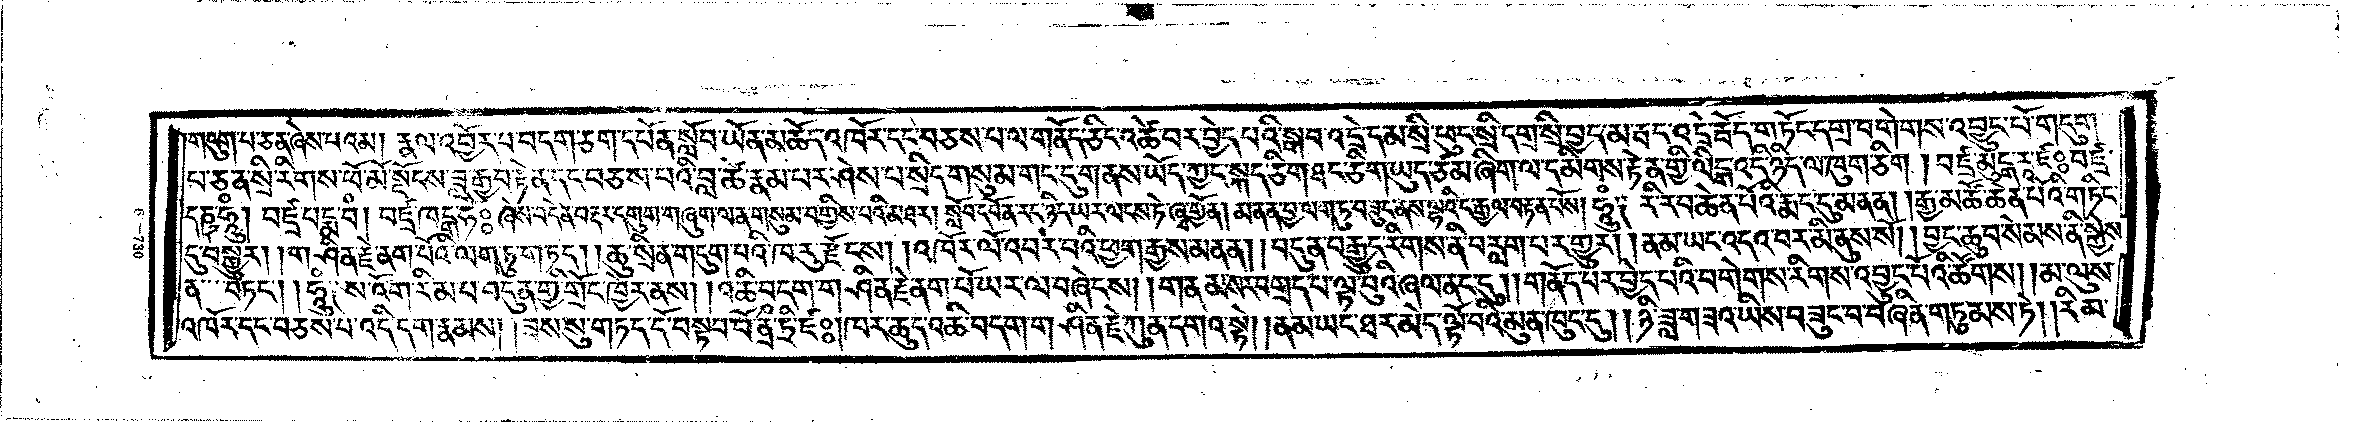གདུག་པ་ཅན་ཞེས་པའམ། རྣལ་འབྱོར་པ་བདག་ཅག་དཔོན་སློབ་ཡོན་མཆོད་འཁོར་དང་བཅས་པ་ལ་གནོད་ཅིང་འཚེ་བར་བྱེད་པའི་སྒབ་འདྲེ་དམ་སྲི་ཕུང་སྲི་དགྲ་སྲི་བྱད་མ་རྦད་འདྲེ་རྦོད་གཏོང་དགྲ་བགེགས་འབྱུང་པོ་གདུག་
བ་ཅན་སྲི་རིགས་ཕོ་མོ་སྡོངས་ཟླ་རྒྱ་བརྟེན་དང་བཅས་པའི་བླ་ཚེ་རྣམ་པར་ཤེས་པ་སྲིད་གསུམ་གང་དུ་གནས་ཡོད་ཀྱང་སྐད་ཅིག་ཐང་ཅིག་ཡུད་ཙམ་ཞིག་ལ་དམིགས་རྟེན་གྱི་ལིངྒ་འདི་ཉིད་ལ་ཁུག་ཅིག །བཛྲ་མུངྒ་རཱ་ཛཿ བཛྲ་
དཎྜ་ཧཱུཾ། བཛྲ་པདམ་བཾ། བཛྲ་ཁངྒ་ཧཿ ཞས་བདེན་བརྡར་དགུག་གཞུག་ལན་གསུམ་བགྱིས་པའི་མཐར། སློབ་དཔོན་རང་ཉིད་ཡར་ལངས་ཏེ་ཞྭ་གྱོན། མནན་བྱ་ལག་ཏུ་བཟུང་ནས་ང་རྒྱལ་བརྟན་པོས། ཧཱུཾ༑ རི་རབ་ཆེན་པོའི་རྨད་དུ་མན་ན། །རྒྱ་མཚོ་ཆེན་པོའི་གཏིང་
དུ་བསྐྱུར། །གཤིན་རྗེ་ནག་པོའི་ལག་ཏུ་གཏུད། །ཆུ་སྲིན་གདུག་པའི་ཁ་རུ་རྫོངས། །འཁོར་ལོ་འབར་བའི་ཕྱག་རྒྱས་མནན། བདུན་བརྒྱུད་རིགས་ནི་བརླག་པར་གྱུར། །ནམ་ཡང་འདའ་བར་མི་ནུས་སོ། །བྱང་ཆུབ་སེམས་ནི་སྐྱེས་
ན་བཏང་། །ཧཱུཾ༑ ས་འོག་རིམ་བ་བདུན་གྱི་གྲོང་ཁྱེར་ནས། འཆི་བདག་གཤིན་རྗེ་ནག་པོ་ཡར་ལ་བཞེངས། །གནམ་སར་བརྒད་པ་ལྟ་བུའི་ཞལ་ནང་དུ། །གནོད་པར་བྱེད་པའི་བགེགས་རིགས་འབྱུང་པོའི་ཚོགས། །མ་ལུས་
འཁོར་དང་བཅས་པ་འདི་དག་རྣམས། །ཟས་སུ་གཏད་དོ་བསྟབ་བོ་ནྲི་ཏྲི་ཛཿ །ཁར་ཆུད་འཆི་བདག་གཤིན་རྗེ་ཀུན་དགའ་སྟེ། །ནམ་ཡང་ཐ་མེད་ལྟོ་བའི་མུན་ཁུང་དུ། །ཉི་ཟླ་གཟའ་ཡིས་བཟུང་བ་པོ་བཞིན་གཏུམས་ཏེ། །རིམ་